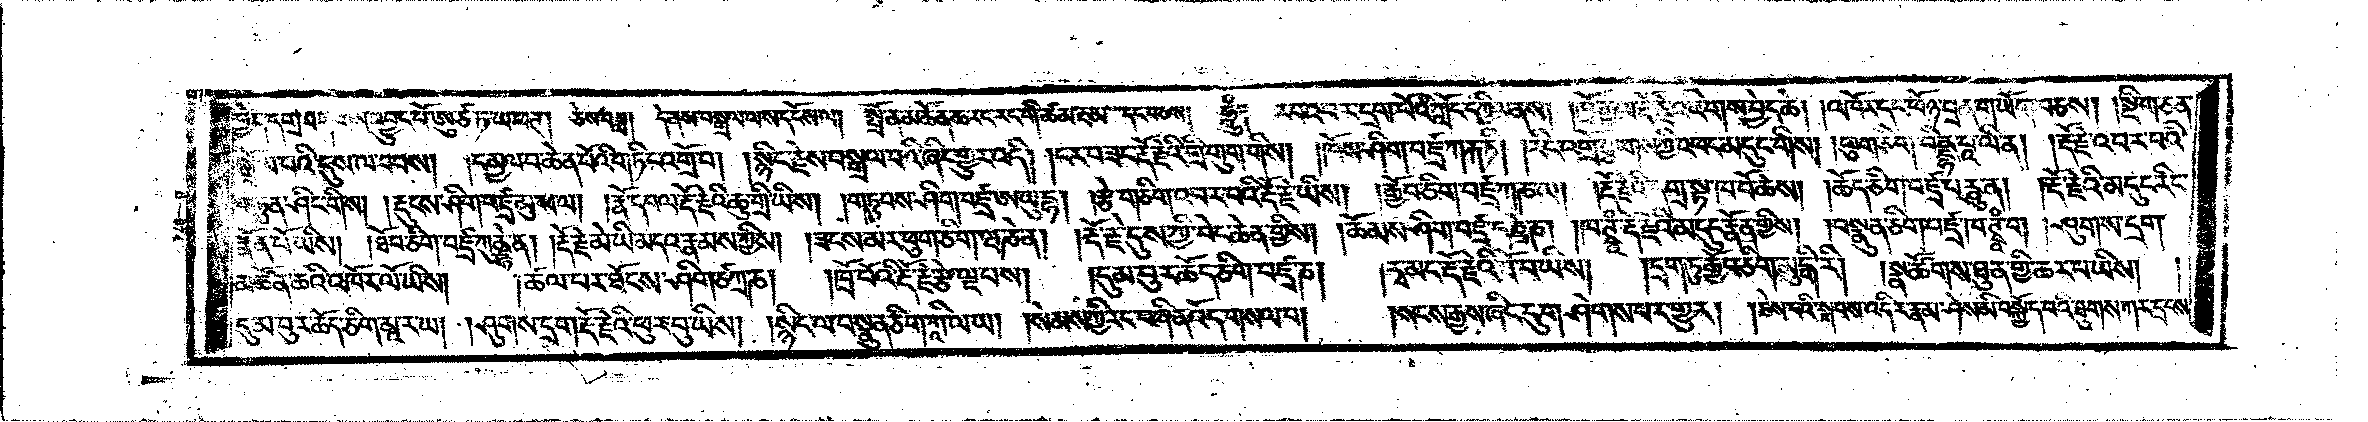བྱེད་དགྲ་བགེགས་འབྱུང་པོ་ཨུཙ་ཏ་ཡ་ཕཊ། ཅེས་བཟླ། དེ་ནས་བསྒྲལ་ལས་དངོས་ལ། སྤྲོ་ན་མཚོན་ཆ་རང་རང་གི་ཚམ་རྔམ་དང་བཅས། ཧཱུཾ། རབ་འབར་དྲག་པོའི་ཀློང་དཀྱིལ་ནས། །ཁྲོ་རྒྱལ་རྡོ་རྗེ་འཇིགས་བྱེད་ཚེ། །འཁོར་དང་ཕོ་ཉ་བྲན་གཡོག་བཅས། །སྡིག་ཅན་
སྒྲོལ་བའི་དུས་ལ་བབས། །དམྱལ་བ་ཆེན་པོའི་གཏིང་འགྲོ་བར། །སྙིང་རྗེས་བསྒྲལ་བའི་ཞིང་གྱུར་འདི། །ངར་བཟང་རྡོ་རྗེའི་གྲི་གུག་གིས། །ཁོས་ཤིག་བཛྲ་ཀརྐ་ཏི། །རིང་འགྲོ་ལྕགས་ཀྱི་འཕང་མདུང་གིས། །བུ་གཅིག་བིནྡྷ་པཱ་ལན། །རྡོ་རྗེ་འབར་བའི་
གཏུན་ཤིང་གིས། །རྡུངས་ཤིག་བཛྲ་མུས་ལ། །རྣོད་པ་ལ་རྡོ་རྗེའི་ཆུ་གྲི་ཡིས། །གཏུབས་ཤིག་བཛྲ་ཨ་ཨུདྷ། །རྩེ་གཅིག་འབར་བའི་རྡོ་རྗེ་ཡིས། །རྒྱོབ་ཅིག་བཛྲ་ཀཎ་ལ། །རྡོ་རྗེའི་དགྲ་སྟ་ཁ་བོ་ཆེས། །ཆོད་ཅིག་བཛྲ་པ་རཱུ་ན། །རོད་རྗེའི་མདུང་རིང་
རྣོན་པོ་ཡིས། །ཐོབ་ཅིག་བཛྲ་ཀུནྡྷེ་ན། །རྡོ་རྗེ་མེ་ཡི་མདའ་རྣམས་ཀྱིས། །ཟངས་མར་ཕུག་ཅིག་ཝ་ནེ་ན། །རྡོ་རྗེ་དུས་ཀྱི་བདེ་ཆེན་གྱིས། །ཆོམས་ཤིག་བཛྲ་དཎྜེ་ཎ། །ཁ་ཊྭཱཾ་རྡོ་རྗེའི་མདུང་རྣོན་གྱིས། །བསྣུན་ཅིག་བཛྲ་ཁ་ཊྭཱཾ་ག །ཤུགས་དྲག་
མཚོན་ཆའི་འཁོར་ལོ་ཡིས། །ཚལ་བར་ཐོངས་ཤིག་ཙཀྲ་ཎ་།ཁྲོ་བོའི་རྡོ་རྗེ་རྩེ་ལྔ་པས། །དུམ་བུར་ཆོས་ཅིག་བཛྲ་ཎ། །རྭ་མང་རྡོ་རྗེའི་ཐོབ་ཡིས། །དྲག་ཏུ་རྒྱོབ་གཅིག་མུངྒི་རི། །སྣ་ཚོགས་ཐུན་གྱི་ཆར་པ་ཡིས། །
དུམ་བུར་ཆོད་ཅིག་མཱ་ར་ཡ། །ཤུགས་དྲག་རྡོ་རྗེའི་ཕུར་བུ་ཡིས། །སྙིང་ལ་བསྣུན་ཅིག་ཀཱི་ལ་ཡ། །སེམས་ཀྱི་རང་བཞིན་འོད་གསལ་བ། །སངས་རྒྱས་ཤིང་དུ་གཤེགས་བར་གྱུར། །ཅེས་པའི་སྐབས་འདིར་རྣམ་ཤེས་མི་བསྐྱོད་པའི་ཐུགས་ཀར་དྲངས་